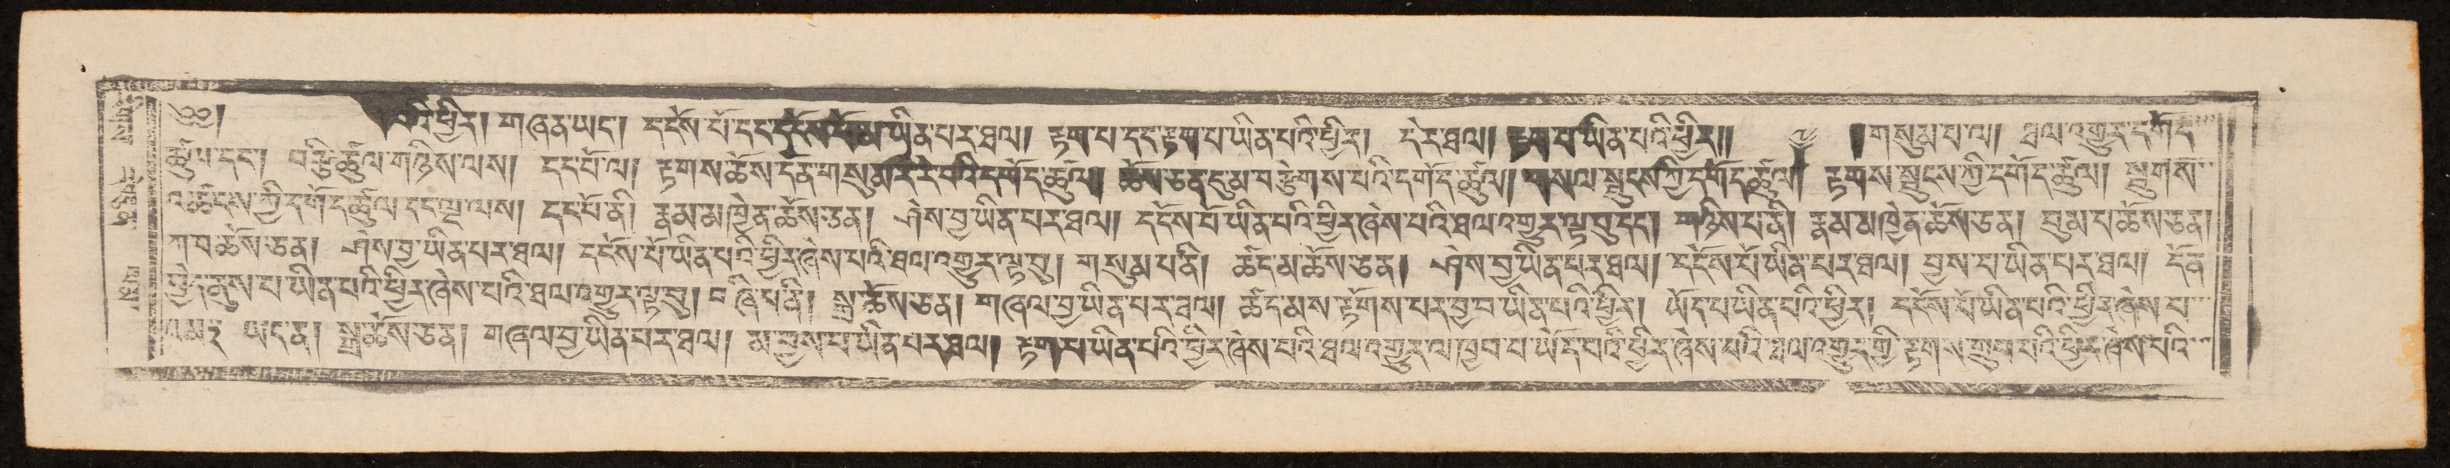༄༅། །པའི་ཕྱིར། གཞན་ཡང་། དངོས་པོ་དང་དངོས་པོ་མ་ཡིན་པར་ཐལ། རྟག་པ་དང་རྟག་པ་ཡིན་པའི་ཕྱིར། དེར་ཐལ། རྟག་པ་ཡིན་པའི་ཕྱིར། ། ~་གསུམ་པ་ལ། ཐལ་འགྱུར་དགོད་
ཚུལ་དང་། བརྩི་ཚུལ་གཉིས་ལས། དང་པོ་ལ། རྟགས་ཆོས་དོན་གསུམ་རེ་རེ་བའི་དགོད་ཚུལ། ཆོས་ཅན་དུ་མ་བརྩེགས་པའི་དགོད་ཚུལ། གསལ་སྤུངས་ཀྱི་དགོད་ཚུལ། རྟགས་སྤུངས་ཀྱི་དགོད་ཚུལ། སྦུགས་
འཚངས་ཀྱི་དགོད་ཚུལ་དང་ལྔ་ལས། དང་པོ་ནི། རྣམ་མཁྱེན་ཆོས་ཅན། ཤེས་བྱ་ཡིན་པར་ཐལ། དངོས་པོ་ཡིན་པའི་ཕྱིར་ཞེས་པའི་ཐལ་འགྱུར་ལྟ་བུ་དང་། གཉིས་པ་ནི། རྣམ་མཁྱེན་ཆོས་ཅན། བུམ་པ་ཆོས་ཅན།
ཀ་བ་ཆོས་ཅན། ཤེས་བྱ་ཡིན་པར་ཐལ། དངོས་པོ་ཡིན་པའི་ཕྱིར་ཞེས་པའི་ཐལ་འགྱུར་ལྟ་བུ། གསུམ་པ་ནི། ཚད་མ་ཆོས་ཅན། ཤེས་བྱ་ཡིན་པར་ཐལ། དངོས་པོ་ཡིན་པར་ཐལ། བྱས་པ་ཡིན་པར་ཐལ། དོན་
བྱེད་ནུས་པ་ཡིན་པའི་ཕྱིར་ཞེས་པའི་ཐལ་འགྱུར་ལྟ་བུ། བཞི་པ་ནི། སྒྲ་ཆོས་ཅན། གཞལ་བྱ་ཡིན་པར་ཐལ། ཚད་མས་རྟོགས་པར་བྱ་བ་ཡིན་པའི་ཕྱིར། ཡོད་པ་ཡིན་པའི་ཕྱིར། དངོས་པོ་ཡིན་པའི་ཕྱིར་ཞེས་པ་
འམ། ཡང་ན། སྒྲ་ཆོས་ཅན། གཞལ་བྱ་ཡིན་པར་ཐལ། མ་བྱས་པ་ཡིན་པར་ཐལ། རྟག་པ་ཡིན་པའི་ཕྱིར་ཞེས་པའི་ཐལ་འགྱུར་ལ་ཁྱབ་པ་ཡོད་པའི་ཕྱིར་ཞེས་པའི་ཐལ་འགྱུར་གྱི་རྟགས་གྲུབ་པའི་ཕྱིར་ཞེས་པའི་